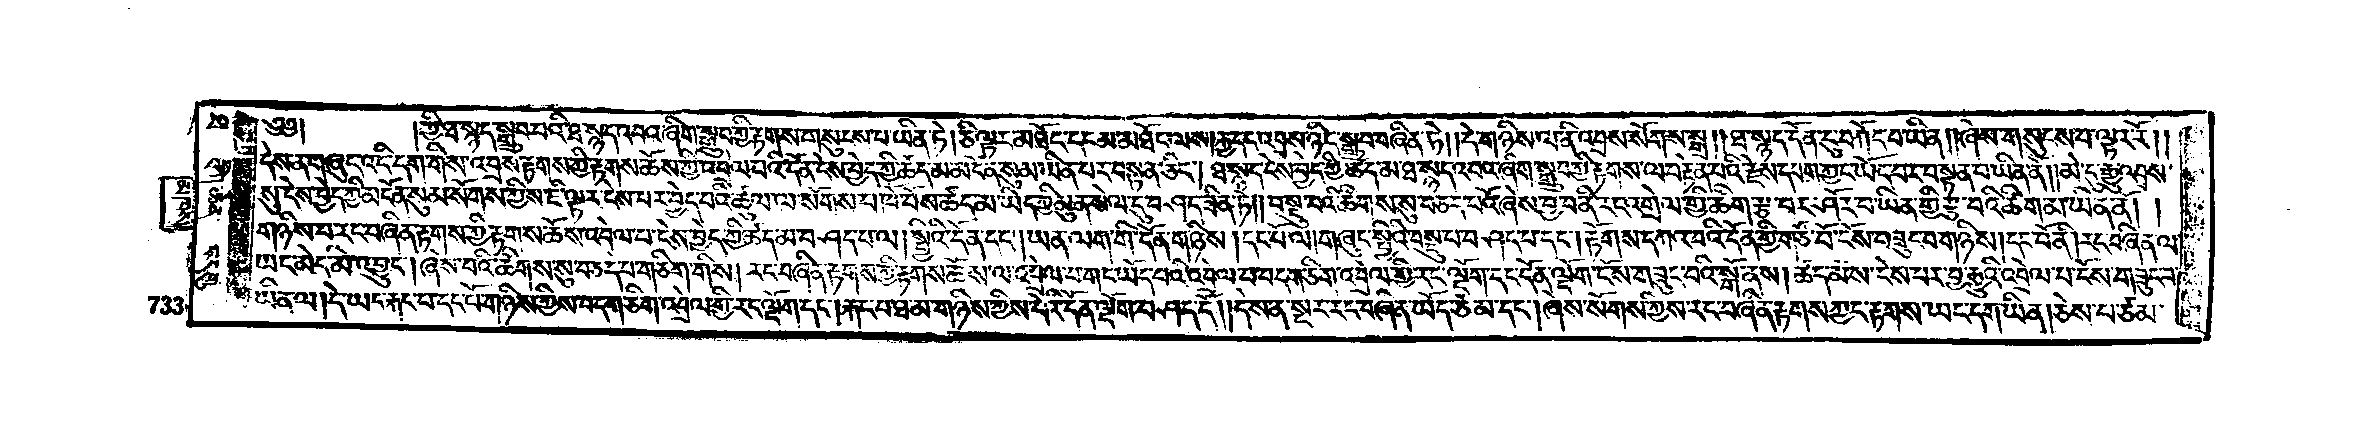༄༅། །ཀྱི་ཐ་སྙད་སྒྲུབ་པའི་ཐ་སྙད་འབའ་ཞིག་སྒྲུབ་ཀྱི་རྟགས་གསུངས་པ་ཡིན་ཏེ། ཅི་ལྟར་མཐོང་དང་མ་མཐོང་ལས། རྒྱུ་དང་འབྲས་ཉིད་སྒྲུབ་བཞིན་ཏེ། །དེ་གཉིས་ལ་ནི་འབྲས་སོགས་སྒྲ། །ཐ་སྙད་དོན་དུ་བཀོད་བ་ཡིན། །ཞེས་གསུངས་པ་ལྟར་རོ།།
དེས་ན་གཞུང་འདི་དག་གིས་འབྲས་རྟགས་ཀྱི་རྟགས་ཆོས་ཀྱི་འབྲེལ་བའི་དོན་ངེས་བྱེད་ཀྱི་ཚད་མ་མངོན་སུམ་ཡིན་པར་བསྟན་ཅིང་། ཐ་སྙད་ངེས་བྱེད་ཀྱི་ཚད་མ་ཐ་སྙད་འབའ་ཞིག་སྒྲུབ་ཀྱི་རྟགས་ལ་བརྟེན་པའི་རྗེས་དཔག་ཀྱང་ཡོད་པར་བསྟན་པ་ཡིན་ནོ། །མེ་དུ་རྒྱུ་འབྲས་
སུ་ངེས་བྱེད་ཀྱི་མངོན་སུམ་སོགས་ཀྱིས་ཇི་ལྟར་ངེས་པར་བྱེད་པའི་ཚུལ་ལ་སོགས་པ་ཁོ་བོས་ཚད་མ་ཡིད་ཀྱི་མུན་སེལ་དུ་བཤད་ཟིན་ཏེ། །བསྡུ་བའི་ཚིགས་སུ་བཅད་པའོ་ཞེས་བྱ་བ་ནི་རང་འགྲེལ་གྱི་ཚིག་རྩ་བར་ཤོར་བ་ཡིན་གྱི་རྩ་བའི་ཚིག་མ་ཡིན་ནོ། །
གཉིས་པ་རང་བཞིན་རྟགས་ཀྱི་རྟགས་ཆོས་འབྲེལ་པ་ངེས་བྱེད་ཀྱི་ཚད་མ་བཤད་པ་ལ། སྤྱིའི་དོན་དང་། ཡན་ལག་གི་དོན་གཉིས། དང་པོ་ལ། གཞུང་སྤྱིའི་བསྡུ་བ་བཤད་པ་དང་། རྟོགས་དཀའ་བའི་དོན་གྱི་གཙོ་བོ་ངོས་བཟུང་བ་གཉིས། དང་པོ་ནི། རང་བཞིན་ལ་
ཡང་མེད་མི་འབྱུང་། ཞེས་པའི་ཚིགས་སུ་བཅད་པ་གཅིག་གིས། རང་བཞིན་རྟགས་ཀྱི་རྟགས་ཆོས་ལ་འབྲེལ་པ་གང་ཡོད་པའི་འབྲེལ་པ་བདག་ཅིག་འབྲེལ་གྱི་རང་ལྡོག་དང་དོན་ལྡོག་ངོས་གཟུང་བའི་སྒོ་ནས། ཚད་མས་ངེས་པར་བྱ་རྒྱུའི་འབྲེལ་པ་ངོས་གཟུང་བ་
ཡིན་ལ། དེ་ཡང་རྐང་པ་དང་པོ་གཉིས་ཀྱིས་བདག་ཅིག་འབྲེལ་གྱི་རང་ལྡོག་དང་། རྐང་པ་ཐ་མ་གཉིས་ཀྱིས་དེའི་དོན་ལྡོག་བཤད་དོ། །དེས་ན་སྔར་རང་བཞིན་ཡོད་ཙམ་དང་། ཞེས་སོགས་ཀྱིས་རང་བཞིན་རྟགས་ཀྱང་རྟགས་ཡང་དག་ཡིན། ཅེས་པ་ཙམ་